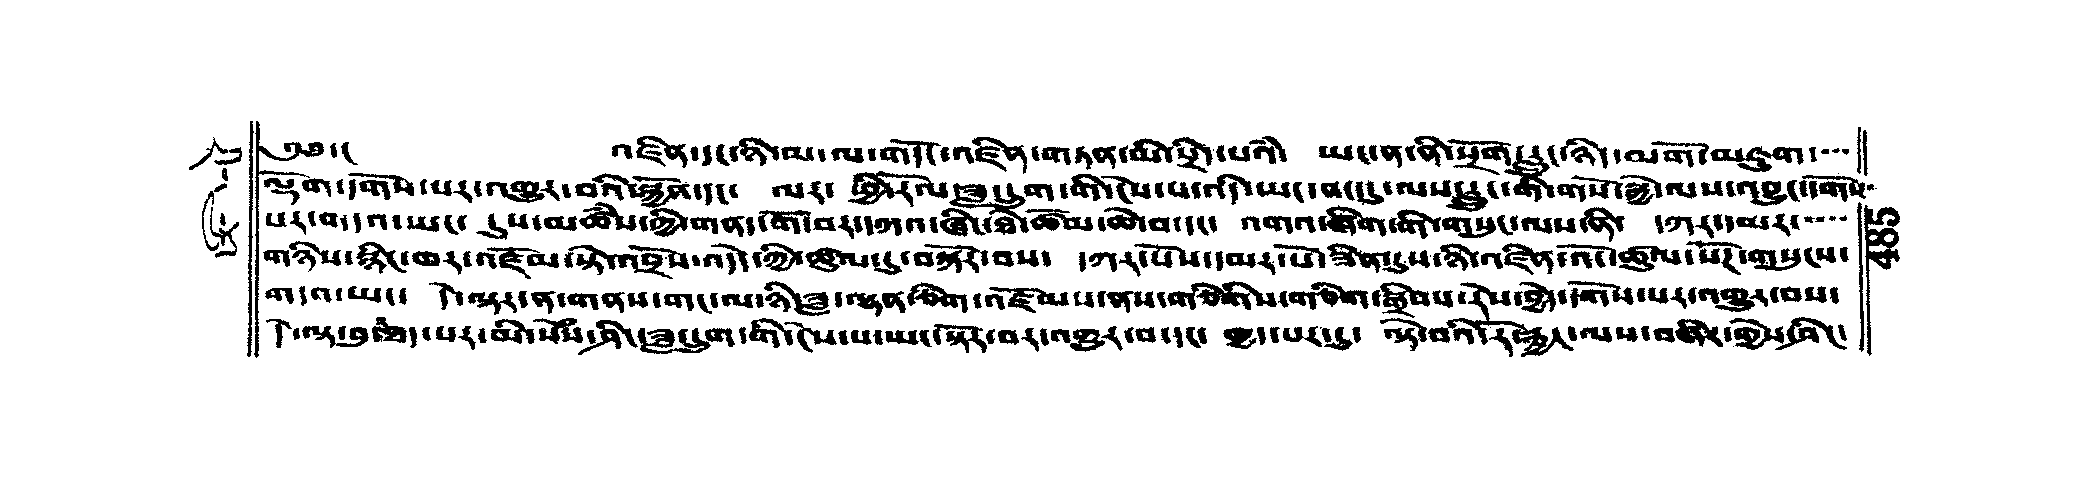འཛིན་དང་ཉི་མ་ལ་གདོང་འཛིན་གཏན་མི་སྲིད་པའམ། ཡང་ན་ནི་སྲོག་རླུང་ཉིད་མགོ་མཇུག་
ལྡོག་དགོས་པར་འགྱུར་བའི་སྐྱོན་དང་། ལར། ཕྱི་རོལ་ཟླ་དྲུག་གི་ངེས་པ་འདི་ཡང་ནང་དུ་ལས་རླུང་གི་གསོ་སྐྱེ་ལས་འབྱུང་དགོས་
པར་གདའ་ཡང་། དུས་མཚམས་ཀྱི་གནད་གོ་བར་དཀའ་ཞིང་ཐེ་ཚོམ་ཆེ་བ་དང་། འགའ་ཞིག་གི་གསུང་ལས་ནི། དཀར་དམར་
གཉིས་སྙིང་ཁར་འཛོམ་སྟེ་འབྲོས་འདེད་ཀྱི་ཚུལ་དུ་བསྐོར་བས། དཀར་པོས་དམར་པོ་ཟིན་དུས་ཉི་འཛིན་འོང་ཚུལ་སོགས་གསུངས་
གདའ་ཡང་།དེ་ལྟར་ན་གནམ་གང་ལ་ཉི་ཟླ་ལྷན་ཅིག་འཛོམས་ནས་གཅིག་གིས་གཅིག་སྒྲིབས་རེས་བྱེད་དགོས་པར་འགྱུར་བས། 
དེ་ལྟར་འཐད་པར་མི་སེམས་ཤིང་ཟླ་དྲུག་གི་ངེས་པ་ཡང་སྟོར་བར་འགྱུར་བ་དང་། ཁྱད་པར་དུ་ལྟེ་བའི་རོ་རྐྱང་ལས་བཞིར་གྱེས་ཤིང་།